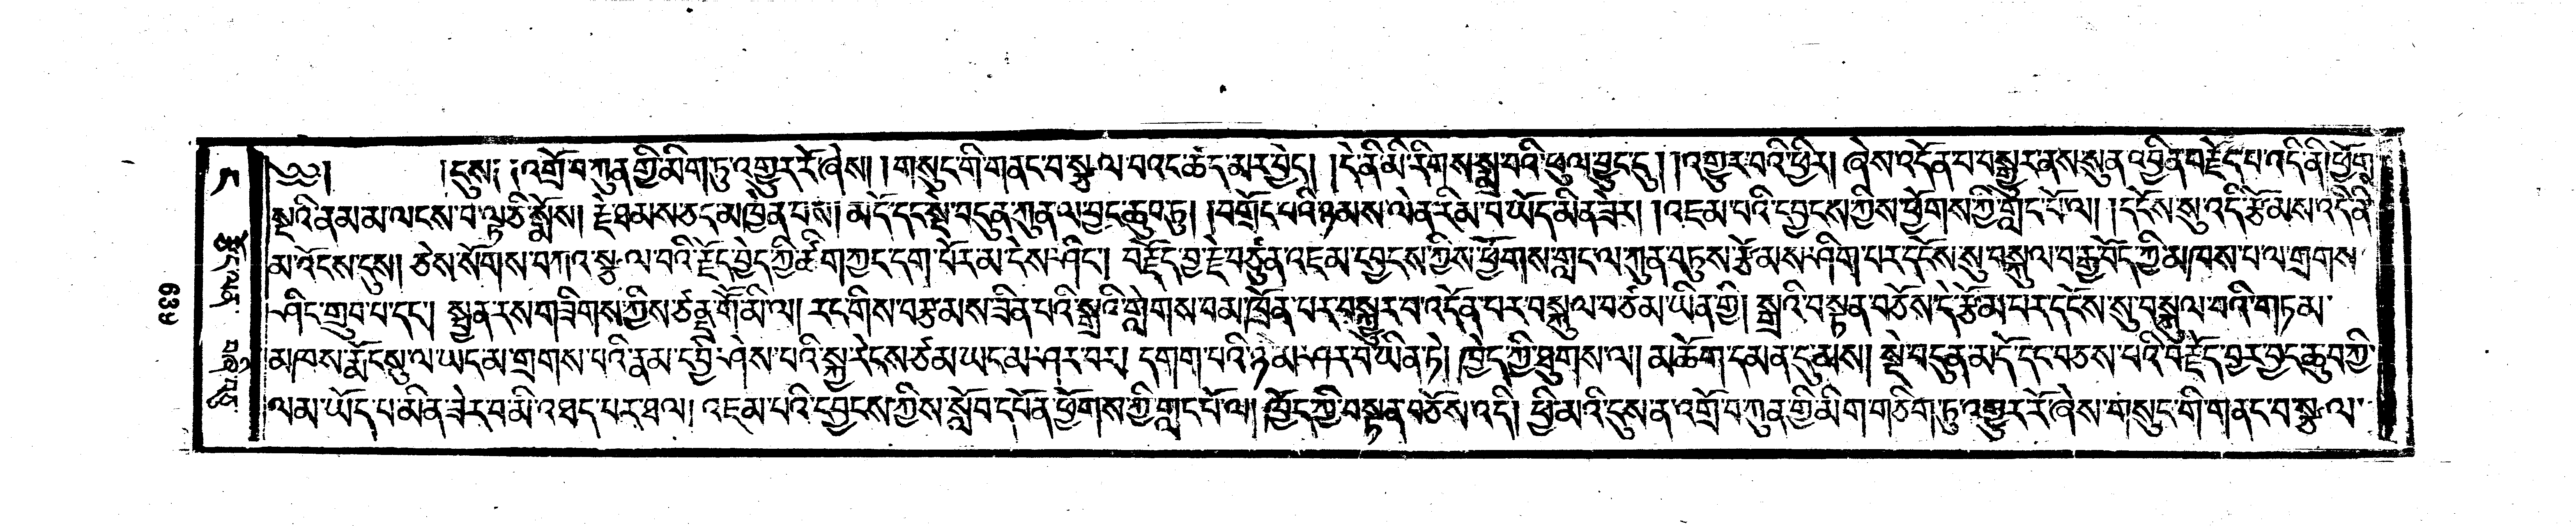༄༅། །དུས༑ ༑འགྲོ་བ་ཀུན་གྱི་མིག་ཏུ་འགྱུར་རོ་ཞེས། །གསུང་གི་གནང་བ་སྩལ་བའང་ཚད་མར་བྱེད། །དེ་ནི་མི་རིགས་སྨྲ་བའི་ཕུལ་བྱུང་དུ། །འགྱུར་བའི་ཕྱིར། ཞེས་འདོན་པ་བསྒྱུར་ནས་སུན་འབྱིན་བརྗོད་པ་འདི་ནི། ཕྱོགས་
སྔའི་ནམ་མ་ལངས་པ་ལྟ་ཅི་སྨོས། རྗེ་ཐམས་ཅད་མཁྱེན་པས། མདོ་དང་སྡེ་བདུན་ཀུན་ལ་བྱང་ཆུབ་ཏུ། །བགྲོད་པའི་ཉམས་ལེན་རིམ་པ་ཡོད་མིན་ཟེར། །འཇམ་པའི་དབྱངས་ཀྱིས་ཕྱོགས་ཀྱི་གླང་པོ་ལ། །དངོས་སུ་འདི་རྩོམས་འདི་ནི་
མ་འོངས་དུས། ཅེས་སོགས་བཀའ་སྩལ་བའི་རྗོད་བྱེད་ཀྱི་ཚིག་ཀྱང་དག་པོར་མ་ངེས་ཤིང་། བརྗོད་བྱ་རྗེ་བཙུན་འཇམ་དབྱངས་ཀྱིས་ཕྱོགས་གླང་ལ་ཀུན་བཏུས་རྩོམས་ཤིག་པར་དངོས་སུ་བསྐུལ་བ་རྒྱ་བོད་ཀྱི་མཁས་པ་ལ་གྲགས་
ཤིང་གྲུབ་པ་དང་། སྤྱན་རས་གཟིགས་ཀྱིས་ཙནྡྲ་གཽ་མི་ལ། རང་གིས་བརྩམས་ཟིན་པའི་སྒྲའི་གླེགས་བམ་ཁྲོན་པར་བསྐྱུར་བ་འདོན་པར་བསྐུལ་བ་ཙམ་ཡིན་གྱི། སྒྲའི་བསྟན་བཅོས་དེ་རྩོམ་པར་དངོས་སུ་བསྐུལ་བའི་གཏམ་
མཁས་རྨོངས་སུ་ལ་ཡང་མ་གྲགས་པའི་རྣམ་དབྱེ་ཤེས་པའི་སྐྱ་རེངས་ཙམ་ཡང་མ་ཤར་བར། དགག་པའི་ཉི་མ་ཤར་བ་ཡིན་ཏེ། ཁྱེད་ཀྱི་ཐུགས་ལ། མཆོག་དམན་དུ་མས། སྡེ་བདུན་མདོ་དང་བཅས་པའི་བརྗོད་བྱར་བྱང་ཆུབ་ཀྱི་
ལམ་ཡོད་པ་མིན་ཟེར་བ་མི་འཐད་པར་ཐལ། འཇམ་པའི་དབྱངས་ཀྱིས་སློབ་དཔོན་ཕྱོགས་ཀྱི་གླང་པོ་ལ། ཁྱོད་ཀྱི་བསྟན་བཅོས་འདི། ཕྱི་མའི་དུས་ན་འགྲོ་བ་ཀུན་གྱི་མིག་གཅིག་ཏུ་འགྱུར་རོ་ཞེས་གསུང་གི་གནང་བ་སྩལ་